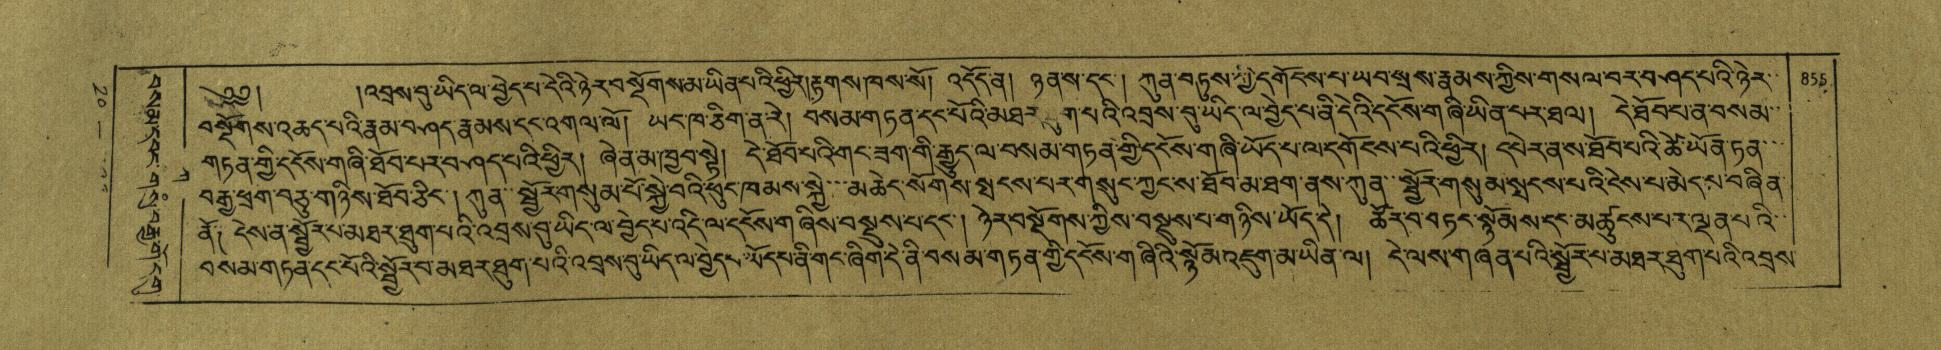༄༅། །འབྲས་བུ་ཡིད་ལ་བྱེད་པ་དེའི་ཉེར་བསྡོགས་མ་ཡིན་པའི་ཕྱིར་།རྟགས་ཁས་སོ། འདོད་ན། ཉན་ས་དང་། ཀུན་བཏུས་ཀྱི་དགོངས་པ་ཡབ་སྲས་རྣམས་ཀྱིས་གསལ་བར་བཤད་པའི་ཉེར་
བསྡོགས་འཆད་པའི་རྣམ་བཤད་རྣམས་དང་འགལ་ལོ། ཡང་ཁ་ཅིག་ན་རེ། བསམ་གཏན་དང་པོའི་མཐར་ཐུག་པའི་འབྲས་བུ་ཡིད་ལ་བྱེད་པ་ནི་དེའི་དངོས་གཞི་ཡིན་པར་ཐལ། དེ་ཐོབ་པ་ན་བསམ་
གཏན་གྱི་དངོས་གཞི་ཐོབ་པར་བཤད་པའི་ཕྱིར། ཞེ་ན་མ་ཁྱབ་སྟེ། དེ་ཐོབ་པའི་གང་ཟག་གི་རྒྱུད་ལ་བསམ་གཏན་གྱི་དངོས་གཞི་ཡོད་པ་ལ་དགོངས་པའི་ཕྱིར། དཔེར་ན་ས་ཐོབ་པའི་ཚེ་ཡོན་ཏན་
བརྒྱ་ཕྲག་བཅུ་གཉིས་ཐོབ་ཅིང་།ཀུན་སྦྱོར་གསུམ་པོ་སྐྱེ་བའི་ཕུང་ཁམས་སྐྱེ་མཆེད་སོགས་སྤངས་པར་གསུང་ཀྱང་ས་ཐོབ་མ་ཐག་ནས་ཀུན་སྦྱོར་གསུམ་སྤངས་པའི་ངེས་པ་མེད་པ་བཞིན་
ནོ༑ དེས་ན་སྦྱོར་པ་མཐར་ཐུག་པའི་འབྲས་བུ་ཡིད་ལ་བྱེད་པ་འདི་ལ་དངོས་གཞིས་བསྡུས་པ་དང་། ཉེར་བསྡོགས་ཀྱིས་བསྡུས་པ་གཉིས་ཡོད་དེ། ཚོར་བ་བཏང་སྙོམས་དང་མཚུངས་པར་ལྡན་པའི་བསམ་
གཏན་དང་པོའི་སྦྱོར་བ་མཐར་ཐུག་པའི་འབྲས་བུ་ཡིད་ལ་བྱེད་པ་ཡོད་པ་ནི་གང་ཞིག་དེ་ནི་བསམ་གཏན་གྱི་དངོས་གཞིའི་སྙོམ་འཇུག་མ་ཡིན་ལ། དེ་ལས་གཞན་པའི་སྦྱོར་པ་མཐར་ཐུག་པའི་འབྲས་